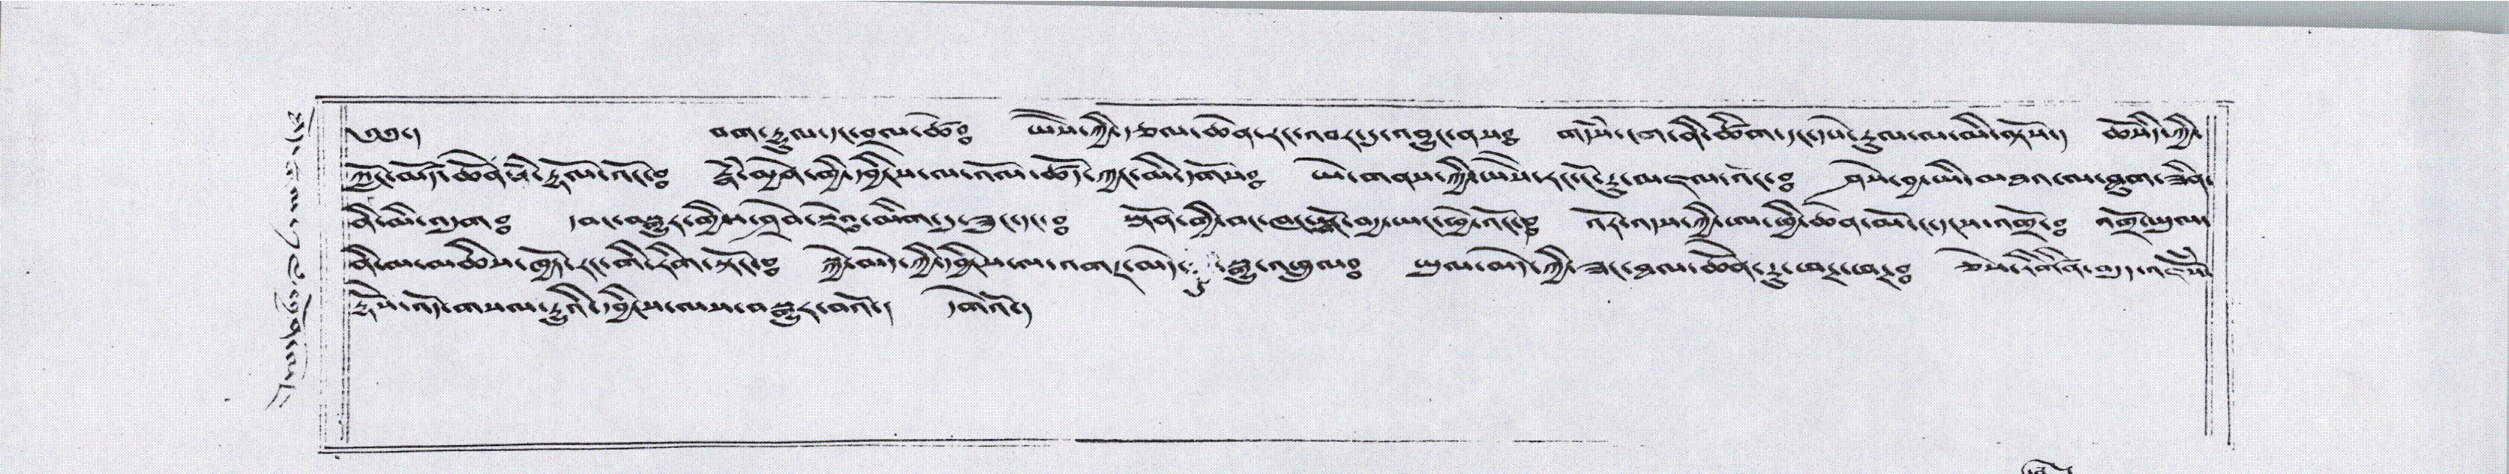བག་རྡུལ་དང་བྲལ་ཚེཿ ཡེ་ཤེས་ཀྱི་རྩལ་ཆེན་རང་འབར་དུ་འབྱུང་ནསཿ གདམས་ངག་ནི་ཚིག་དང་དཔེ་རུལ་ལ་མི་ལྟོསཿ ཆོས་ཉིད་ཀྱི་
ཀློང་མཛོད་ཆེན་པོ་ནི་རྡོལ་འོངཿ རྣམ་མཁྱེན་གྱི་དབྱིངས་ལ་འོལ་ཚོད་ཀྱང་མི་དགོསཿ ཡེ་གནས་ཀྱི་ཡེ་ཤེས་རང་ངོ་རུ་མཇལ་འོངཿ ཤེས་བྱ་ཡི་མཐའ་ལ་ཐུག་ཟིན་
ནི་མི་འདུགཿ དབང་སྒྱུར་གྱི་ཤེས་རབ་ལྡེའུ་མིག་ཏུ་ཟུངས་དངཿ ཡོན་ཏན་གྱི་བང་ཁང་སྒོ་བརྒྱ་ཡང་ཕྱེ་འོངཿ འཁོར་འདས་ཀྱི་ཨ་ཕྱི་ཆེན་མོ་ང་དྭངས་འགྲོ། འགྲོ་ཡུལ་
ནི་མ་མཆིས་ཁྱོད་རང་གི་རིག་སྟོངཿ སྐྱེ་མེད་ཀྱི་དབྱིངས་ལ་འགག་མེད་ཀྱི་སྒྱུ་འཕྲུལཿ ཡུལ་མེད་ཀྱི་ཟང་ཐལ་ཆེན་པོ་རུ་ཕཊཿཕཊཿ ཅེས་རིག་འཛིན་བདུད་འཇོམས་
རྡོ་རྗེས་འོད་གསལ་སྒྱུ་ཡི་དབྱིངས་སུ་བསྒྱུར་བའོ། །